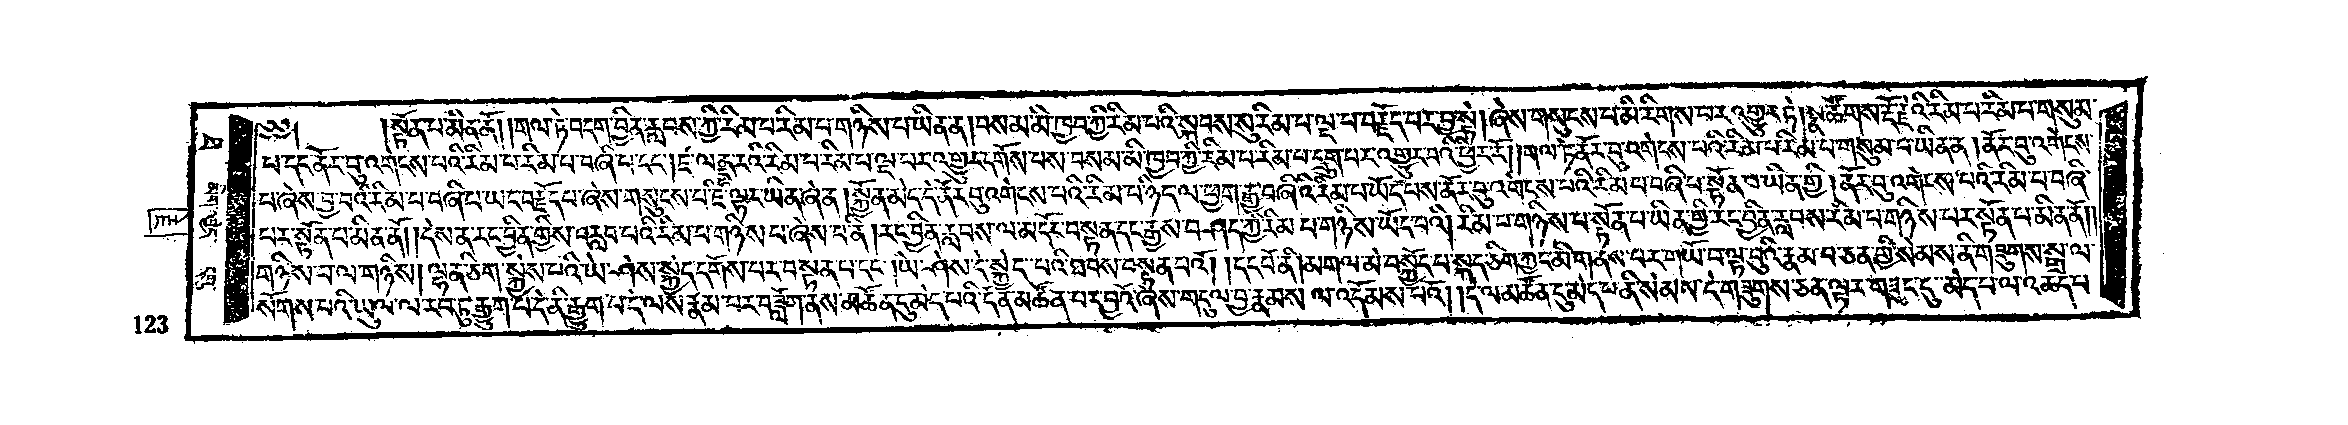༄༅། །སྟོན་པ་མིན་ནོ། །གལ་ཏེ་བདག་བྱིན་རླབས་ཀྱི་རིམ་པ་རིམ་པ་གཉིས་པ་ཡིན་ན། བསམ་མི་ཁྱབ་ཀྱི་རིམ་པའི་སྐབས་སུ་རིམ་པ་ལྔ་པ་བརྗོད་པར་བྱ་སྟེ། ཞེས་གསུངས་པ་མི་རིགས་པར་འགྱུར་ཏེ། སྣ་ཚོགས་རྡོ་རྗེའི་རིམ་པ་རིམ་པ་གསུམ་
པ་དང་ནོར་བུ་འགེངས་པའི་རིམ་པ་རིམ་པ་བཞི་པ་དང་། ཛ་ལནྡྷ་རའི་རིམ་པ་རིམ་པ་ལྔ་པར་འགྱུར་དགོས་པས་བསམ་མི་ཁྱབ་ཀྱི་རིམ་པ་རིམ་པ་དྲུག་པར་འགྱུར་བའི་ཕྱིར་རོ། །གལ་ཏེ་ནོར་བུ་འགེངས་པའི་རིམ་པ་རིམ་པ་གསུམ་པ་ཡིན་ན། ནོར་བུ་འགེངས་
པ་ཞེས་བྱ་བའི་རིམ་པ་བཞི་པ་ཡང་བརྗོད་པ་ཞེས་གསུངས་པ་ཇི་ལྟར་ཡིན་ཞེ་ན། སྐྱོན་མེད་དེ་ནོར་བུ་འགེངས་པའི་རིམ་པ་ཉིད་ལ་ཕྱག་རྒྱ་བཞིའི་རིམ་པ་ཡོད་པས་ནོར་བུ་འགེངས་པའི་རིམ་པ་བཞི་པ་སྟོན་པ་ཡིན་གྱི། ནོར་བུ་འགེངས་པའི་རིམ་པ་བཞི་
པར་སྟེན་པ་མིན་ནོ། །དེས་ན་རང་བྱིན་གྱིས་བརླབ་པའི་རིམ་པ་གཉིས་པ་ཞེས་པ་ནི། རང་བྱིན་རླབས་ལ་མདོར་བསྟན་དང་རྒྱས་བཤད་ཀྱི་རིམ་པ་གཉིས་ཡོད་པའི། རིམ་པ་གཉིས་པ་སྟོན་པ་ཡིན་གྱི་རང་བྱིན་རླབས་རིམ་པ་གཉིས་པར་སྟོན་པ་མིན་ནོ། །
གཉིས་པ་ལ་གཉིས། ལྷན་ཅིག་སྐྱེས་པའི་ཡེ་ཤེས་སྐྱེད་དགོས་པར་བསྟན་པ་དང་། ཡེ་ཤེས་དེ་སྐྱེད་པའི་ཐབས་བསྟན་པའོ། །དང་པོ་ནི། མགལ་མེ་བསྐྱོད་པ་སྐད་ཅིག་ཀྱང་མི་གནས་པར་གཡོ་བ་ལྟ་བུའི་རྣམ་པ་ཅན་གྱི་སེམས་ནི་གཟུགས་སྒྲ་ལ་
སོགས་པའི་ཡུལ་ལ་རབ་ཏུ་རྒྱུག་པ་དེ་ནི་རྒྱུག་པ་དེ་ལས་རྣམ་པར་བཟློག་ནས་མཚོན་དུ་མེད་པའི་དོན་མཚོན་པར་བྱའོ་ཞེས་གདུལ་བྱ་རྣམས་ལ་འདོམས་པའོ། །དེ་ལ་མཚོན་དུ་མེད་པ་ནི་སེམས་དེ་གཟུགས་ཅན་ལྟར་གཟུང་དུ་མེད་པ་ལ་འཆད་པ་